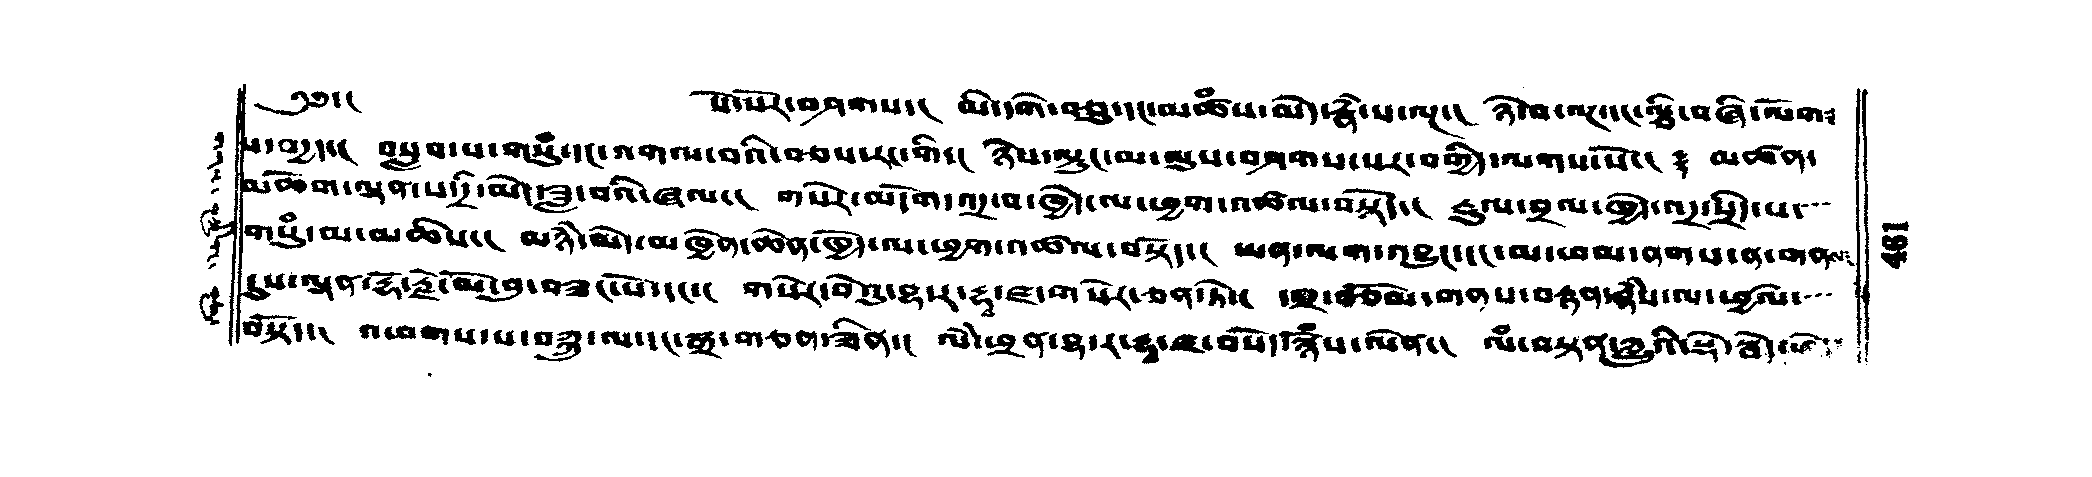སོ་སོར་བཤགས། །མི་དགེ་བཅུ་དང་མཚམས་མེད་རྣམ་པ་ལྔ། །ཉེ་བ་ལྔ་དང་ལྕི་བཞི་ལོག་
པ་བརྒྱད། །བསླབ་པ་གསུམ་དང་འགལ་བའི་བཅས་རང་གི། །ཉེས་ལྟུང་མ་ལུས་བཤགས་པར་བགྱིས་ལགས་སོ། མཚན་
མཆོག་ལྡན་པ་དྲི་མེད་ཟླ་བའི་ཞལ། །གསེར་མདོག་འདྲ་བ་ཁྱོད་ལ་ཕྱག་འཚལ་བསྟོད། །རྡུལ་བྲལ་ཁྱོད་འདྲ་སྲིད་པ་
གསུམ་མ་མཆིས། །མཉམ་མེད་མཁྱེན་ཆེན་ཁྱོད་ལ་ཕྱག་འཚལ་བསྟོད། །ཡན་ལག་འབྱུང་དང་མ་ཕམ་ནགས་ན་གནས། །
དུས་ལྡན་རྡོ་རྗེ་མོའི་བུ་བཟང་པོ་དང་། །གསེར་བེའུ་བྷ་ར་དྷྭ་ཛ་གསེར་ཅན་ཏེ། །དགྲ་བཅོམ་གནས་བརྟན་རྣམས་ལ་ཕྱག་འཚལ་
བསྟོད། །འཕགས་པ་བཀུ་ལ་དང་སྒྲ་གཅན་འཛིན། །ལམ་ཕྲན་བྷ་ར་དྷྭ་ཛ་བསོད་སྙོམས་ལེན། །ལམ་ཕྲན་ཀླུའི་སྡེ་སྦེད་ཕྱེད་